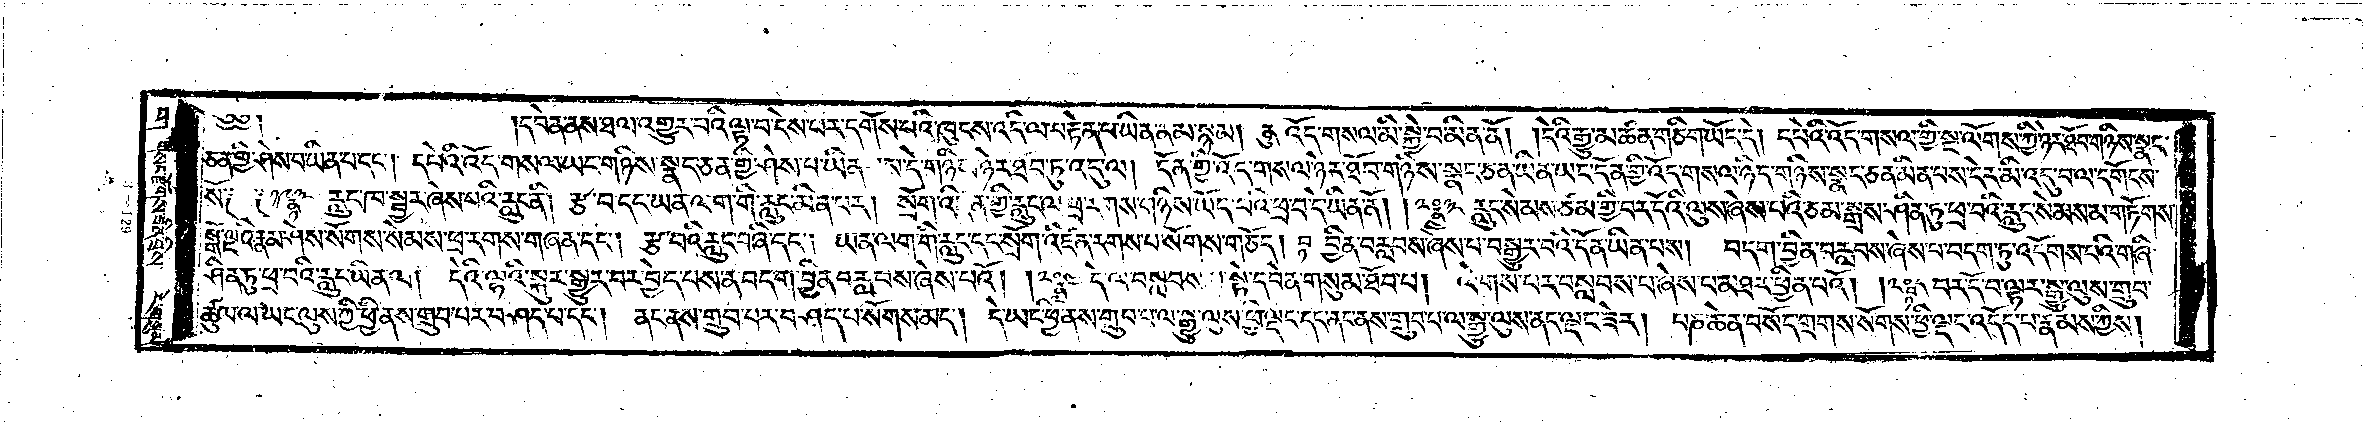༄༅། །དབེན་ནས་ཐལ་འགྱུར་པའི་ལྟ་བ་ངེས་པར་དགོས་པའི་ཁུངས་འདི་ལ་བརྟེན་པ་ཡིན་ནམས་ཉམ། ནུ་འོད་གསལ་མི་སྐྱེ་བ་མིན་ནོ། །དེའི་རྒྱུ་མཚན་གཅིག་ཡོད་དེ། དཔེའི་འོད་གསལ་གྱི་སྔ་ལོགས་ཀྱི་ཉེར་ཐོབ་གཉིས་སྣང་
ཅན་གྱི་ཤེས་པ་ཡིན་པ་དང་། དཔེའི་འོད་གསལ་ཡང་གཉིས་སྣང་ཅན་གྱི་ཤེས་པ་ཡིན་པས་དེ་གཉིས་ཉེར་ཐོབ་ཏུ་འདུ་ལ། དོན་གྱི་འོད་གསལ་ཉེར་ཐོབ་གཉིས་སྣང་ཅན་ཡིན་ཡང་དོན་གྱི་འོད་གསལ་ཉིད་གཉིས་སྣང་ཅན་མིན་པས་དེར་མི་འདུ་བ་ལ་དགོངས་
སོ༑ ༑ ༡༩ན༡༣་རླུང་ཁ་སྦྱར་ཞེས་པའི་རླུང་ནི། རྩ་བ་དང་ཡན་ལག་གི་རླུང་མིན་པར། སྲོག་འཛིན་གྱི་རླུང་བ་ཕྲ་རགས་གཉིས་ཡོད་པའི་ཕྲ་བ་དེ་ཡིན་ནོ། །༢༠༣ན༤་རླུང་སེམས་ཙམ་གྱི་བར་དེའི་ལུས་ཞེས་པའི་ཙམ་སྒྲས་ཤིན་ཏུ་ཕྲ་བའི་རླུང་སེམས་མ་གཏོགས་
སྒོ་ལྔའི་རྣམ་ཤེས་སོགས་སེམས་ཕྲ་རགས་གཞན་དང་། རྩ་བའི་རླུང་བཞི་དང་། ཡན་ལག་གི་རླུང་དང་སྲོག་འཛིན་རགས་པ་སོགས་གཅོད། བ༡་བྱིན་བརླབས་ཞེས་པ་བསྒྱུར་བའི་དོན་ཡིན་པས། བདག་བྱིན་བརླབས་ཞེས་པ་བདག་ཏུ་འདོགས་པའི་གཞི་
ཤིན་ཏུ་ཕྲ་བའི་རླུང་ཡིན་ལ། དེའི་ལྷའི་སྐུར་སྒྱུར་བར་བྱེད་པས་ན་བདག་བྱིན་བརླབས་ཞེས་པའོ། །༢༠ན༧༤་དེ་ལ་བསླབས་པ་སྟེ་དབེན་གསུམ་ཐོབ་པ། ལེགས་པར་བསླབས་པ་ཞེས་པ་མཐར་ཕྱིན་པའོ། །༢༠བ༡༨་བར་དོ་བ་ལྟར་སྒྱུ་ལུས་གྲུབ་
ཚུལ་ལ་ཡང་ལུས་ཀྱི་ཕྱི་ནས་གྲུབ་པར་བཤད་པ་དང་། ནང་ནས་གྲུབ་པ་བཤད་པ་སོགས་མེད། དེ་ཡང་ཕྱི་ནས་གྲུབ་པ་ལ་སྒྱུ་ལུས་ཕྱི་ལྡང་དང་ནང་ནས་གྲུབ་པ་ལ་སྒྱུ་ལུས་ནང་ལྡང་ཟེར། པན་ཆེན་བསོད་གྲགས་སོགས་ཕྱི་ལྡང་འདོད་པ་རྣམས་ཀྱིས།